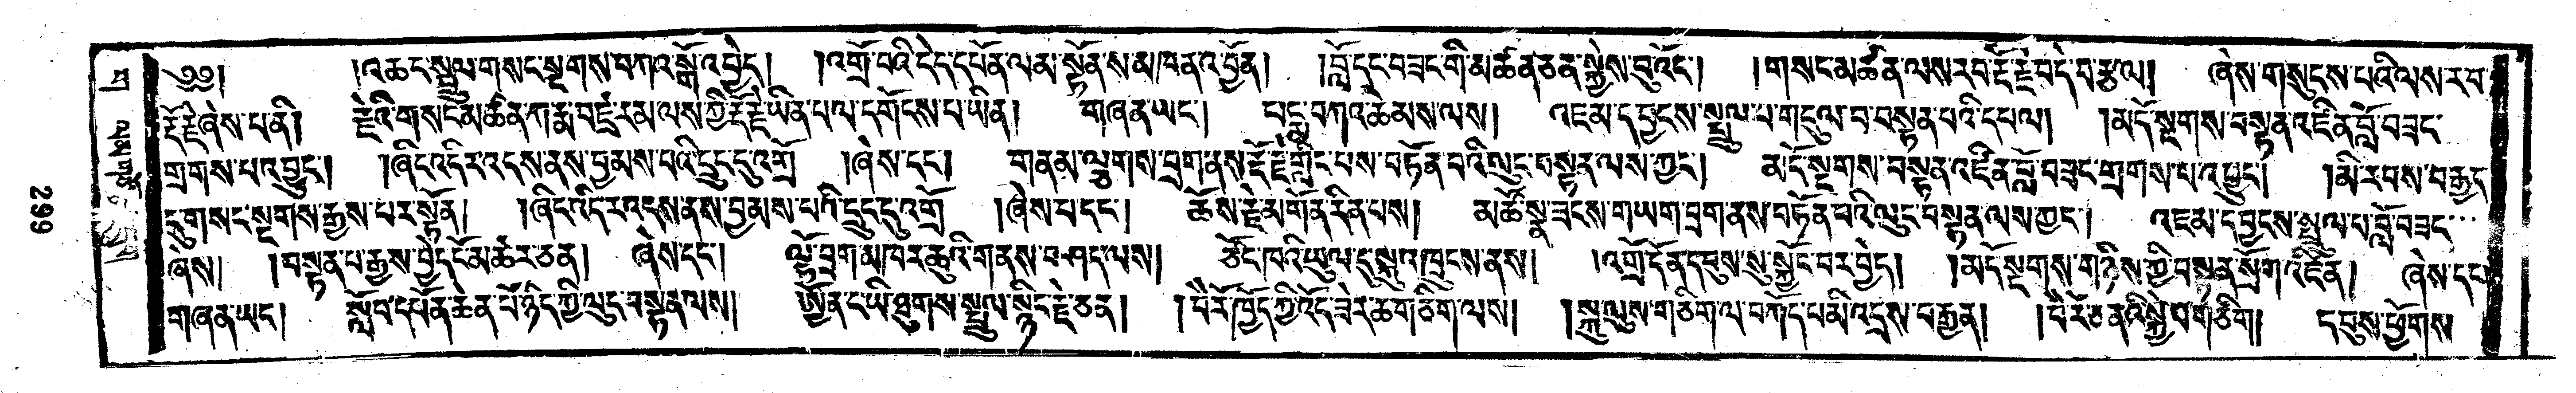༄༅། །འཆང་སྤྲུལ་གསང་སྔགས་བཀའ་སྒོ་འབྱེད། །འགྲོ་བའི་དེད་དཔོན་ལམ་སྟོན་ས་མཁན་འབྱོན། །བློ་དང་བཟང་གི་མཚན་ཅན་སྐྱེས་བུ་འོང་། །གསང་མཚན་ལས་རབ་རྡོ་རྗེ་བདེ་བ་རྩལ། ཞེས་གསུངས་པའི་ལས་རབ་
རྡོ་རྗེ་ཞེས་པ་ནི། རྗེའི་གསང་མཚན་ཀ་རྨ་བཛྲ་རམ་ལས་ཀྱི་རྡོ་རྗེ་ཡིན་པ་ལ་དགོངས་པ་ཡིན། གཞན་ཡང་། པདམ་བཀའ་ཆེམས་ལས། འཇམ་དབྱངས་སྤྲུལ་པ་གདུལ་བ་བསྟན་པའི་དཔལ། །མདོ་སྔགས་བསྟན་འཛིན་བློ་བཟང་
གྲགས་པ་འབྱུང་། །ཞིང་འདིར་འདས་ནས་བྱམས་པའི་དྲུང་དུ་འགྲོ་།ཞེས་དང་། གནམ་ལྕགས་བྲག་ནས་རྡོ་རྗེ་གླིང་པས་བཏོན་བའི་ལུང་བསྟན་ལས་ཀྱང་། མདོ་སྔགས་བསྟན་འཛིན་བློ་བཟང་གྲགས་པ་འབྱུང་། །མི་རབས་བརྒྱད་
དུ་གསང་སྔགས་རྒྱས་པར་སྟོན། །ཞིང་འདིར་འདས་ནས་བྱམས་པའི་དྲུང་དུ་འགྲོ། །ཞེས་པ་དང་། ཆོས་རྗེ་མགོན་རིན་པས། མཚོ་སྣ་ཟངས་གཡག་བྲག་ནས་བཏོན་བའི་ལུང་བསྟན་ལས་ཀྱང་། འཇམ་དབྱངས་སྤྲུལ་པ་བློ་བཟང་
ཞེས། །བསྟན་པ་རྒྱས་བྱེད་ངོ་མཚར་ཅན། ཞེས་དང་། ལྟོ་བྲག་མཁར་ཆུའི་གནས་བཤད་ལས། ཙོང་ཁའི་ཡུལ་དུ་སྐུ་འཁྲུངས་ནས། །འགྲོ་དོན་དབུས་སུ་སྐྱོང་བར་བྱེད། །མདོ་སྔགས་གཉིས་ཀྱི་བསྟན་སྲོག་འཛིན། ཞེས་དང་
གཞན་ཡང་། སློབ་དཔོན་ཆེན་པོ་ཉིད་ཀྱི་ལུང་བསྟན་ལས། ཨཡོན་ང་ཡི་ཐུགས་སྤྲུལ་སྙིང་རྗེ་ཅན། །བཻ་རོ་ཁྱོད་ཀྱི་འོད་ཟེར་ཆ་གཅིག་ལས། །སྐུ་ལུས་གཅིག་ལ་བཀོད་པ་མི་འདྲས་བརྒྱན། །བཻ་རོ་ཙ?་ནའི་སྐྱེ་བ་གཅིག། དབུས་ཕྱོགས་